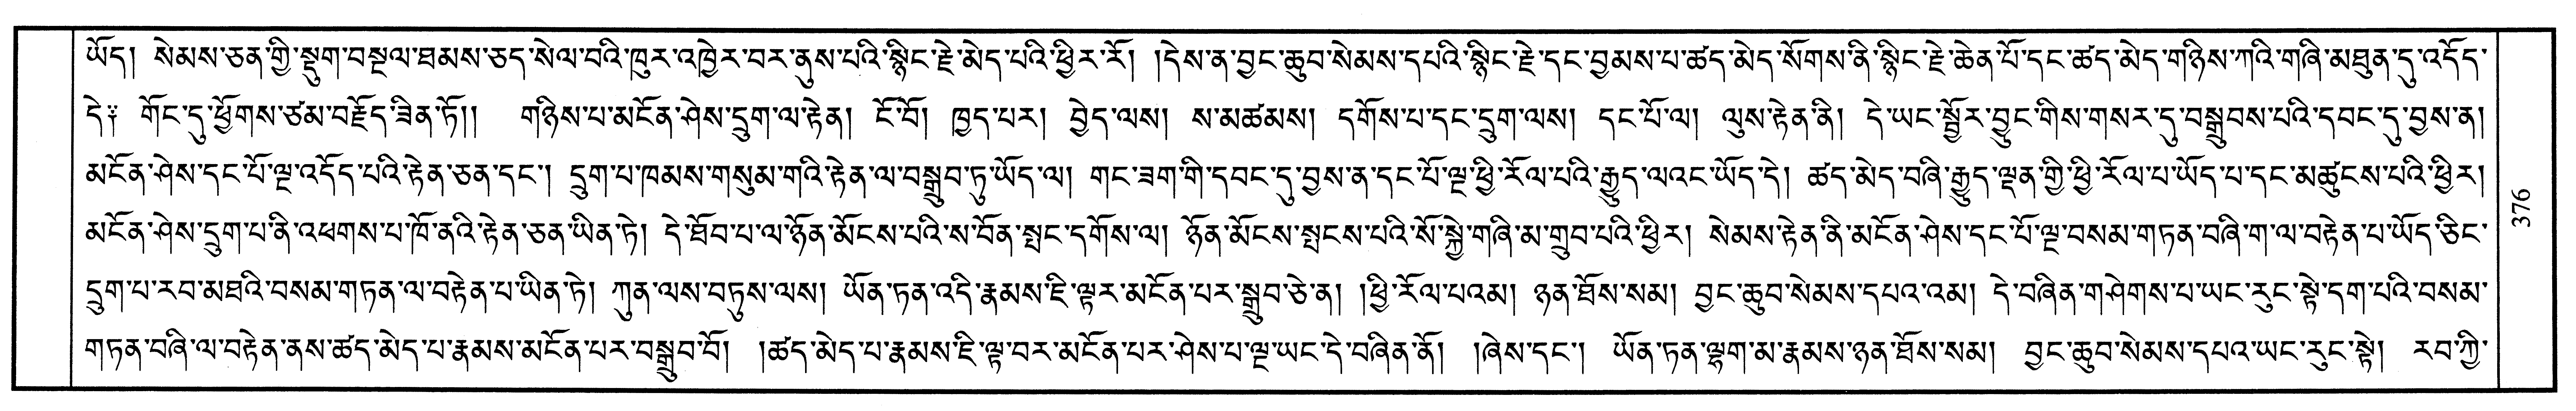ཡོད། སེམས་ཅན་གྱི་སྡུག་བསྔལ་ཐམས་ཅད་སེལ་བའི་ཁུར་འཁྱེར་བར་ནུས་པའི་སྙིང་རྗེ་མེད་པའི་ཕྱིར་རོ། །དེས་ན་བྱང་ཆུབ་སེམས་དཔའི་སྙིང་རྗེ་དང་བྱམས་པ་ཚད་མེད་སོགས་ནི་སྙིང་རྗེ་ཆེན་པོ་དང་ཚད་མེད་གཉིས་ཀའི་གཞི་མཐུན་དུ་འདོད་
དེ༑ གོང་དུ་ཕྱོགས་ཙམ་བརྗོད་ཟིན་ཏོ།། གཉིས་པ་མངོན་ཤེས་དྲུག་ལ་རྟེན། ངོ་བོ། ཁྱད་པར། བྱེད་ལས། ས་མཚམས། དགོས་པ་དང་དྲུག་ལས། དང་པོ་ལ། ལུས་རྟེན་ནི། དེ་ཡང་སྦྱོར་བྱུང་གིས་གར་དུ་བསྒྲུབས་པའི་དབང་དུ་བྱས་ན།
མངོན་ཤེས་དང་པོ་ལྔ་འདོད་པའི་རྟེན་ཅན་དང་། དྲུག་པ་ཁམས་གསུམ་གའི་རྟེན་ལ་བསྒྲུབ་ཏུ་ཡོད་ལ། གང་ཟག་གི་དབང་དུ་བྱས་ན་དང་པོ་ལྔ་ཕྱི་རོལ་པའི་རྒྱུད་ལའང་ཡོད་དེ། ཚད་མེད་བཞི་རྒྱུད་ལྡན་གྱི་ཕྱི་རོལ་པ་ཡོད་པ་དང་མཚུངས་པའི་ཕྱིར།
མངོན་ཤེས་དྲུག་པ་ནི་འཕགས་པ་ཁོ་ནའི་རྟེན་ཅན་ཡིན་ཏེ། དེ་ཐོབ་པ་ལ་ཉོན་མོངས་པའི་ས་བོན་སྤང་དགོས་ལ། ཉོན་མོངས་སྤངས་པའི་སོ་སྐྱེ་གཞི་མ་གྲུབ་པའི་ཕྱིར། སེམས་རྟེན་ནི་མངོན་ཤེས་དང་པོ་ལྔ་བསམ་གཏན་བཞི་ག་ལ་བརྟེན་པ་ཡོད་ཅིང་
དྲུག་པ་རབ་མཐའི་བསམ་གཏན་ལ་བརྟེན་པ་ཡིན་ཏེ། ཀུན་ལས་བཏུས་ལས། ཡོན་ཏན་འདི་རྣམས་ཇི་ལྟར་མངོན་པར་སྒྲུབ་ཅེ་ན། །ཕྱི་རོལ་པའམ། ཉན་ཐོས་སམ། བྱང་ཆུབ་སེམས་དཔའམ། དེ་བཞིན་གཤེགས་པ་ཡང་རུང་སྟེ་དག་པའི་བསམ་
གཏན་བཞི་ལ་བརྟེན་ནས་ཚད་མེད་པ་རྣམས་མངོན་པར་བསྒྲུབ་བོ། །ཚད་མེད་པ་རྣམས་ཇི་ལྟ་བར་མངོན་པར་ཤེས་པ་ལྔ་ཡང་དེ་བཞིན་ནོ། །ཞེས་དང་། ཡོན་ཏན་ལྷག་མ་རྣམས་ཉན་ཐོས་སམ། བྱང་ཆུབ་སེམས་དཔའ་ཡང་རུང་སྟེ། རབ་ཀྱི་